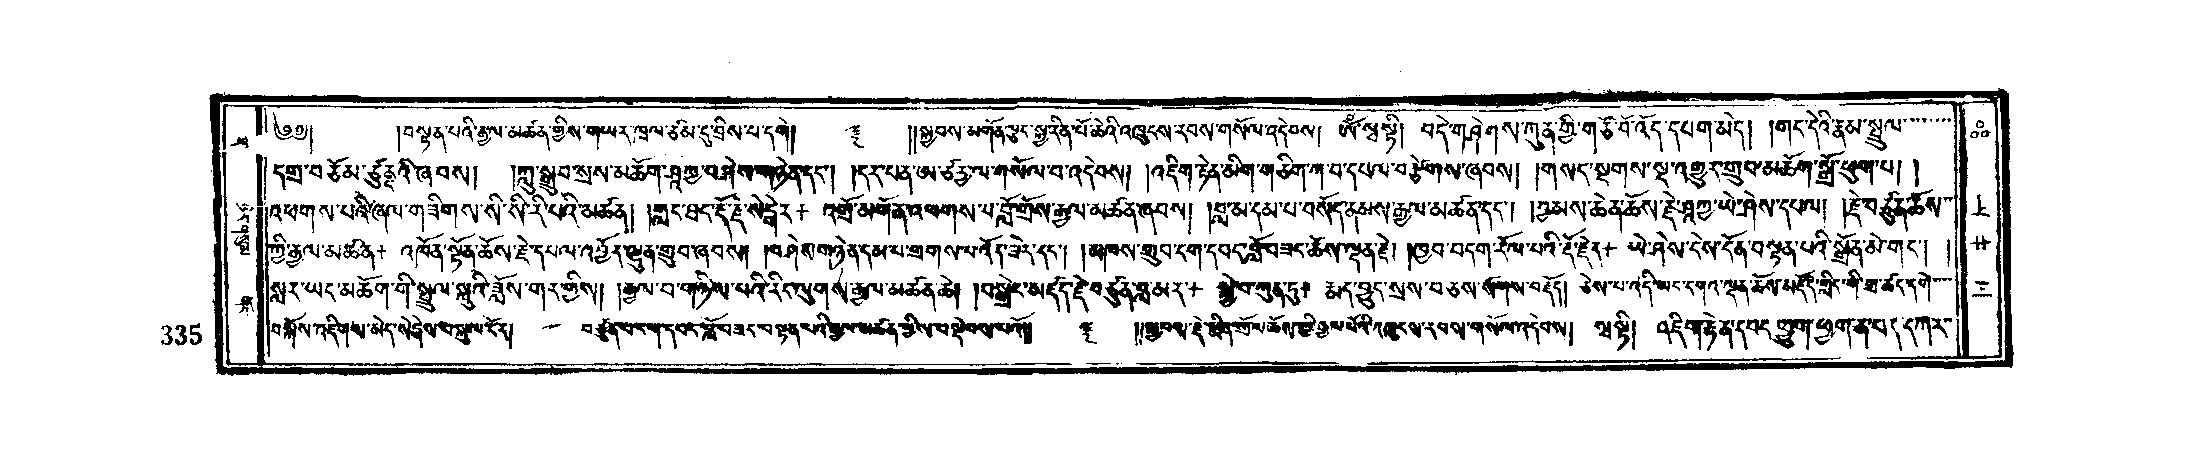༄༅། །བསྟན་པའི་རྒྱལ་མཚན་གྱིས་གཡར་ཁྲལ་ཙམ་དུ་བྲིས་པ་དགེ། ༈ །།སྐྱབས་མགོན་ལྕང་སྐྱ་རིན་པོ་ཆེའི་འཁྲུངས་རབས་གསོལ་འདེབས། ཨོཾ་སྭ་སྟི། བདེ་གཤེགས་ཀུན་གྱི་གཙོ་བོ་འོད་དཔག་མེད། །གང་དེའི་རྣམ་སྤྲུལ་
དགྲ་བཅོམ་ཙུནྡའི་ཞབས། །ཀླུ་སྒྲུབ་སྲས་མཆོག་ཤའྐྱ་བཤེས་གཉེན་དང་། །དར་པན་ཨ་ཙརྱ་ལ་གསོལ་བ་འདེབས། །འཇིག་རྟེན་མིག་གཅིག་ཀ་པ་དཔལ་བརྩེགས་ཞབས། །གསང་སྔགས་སྔ་འགྱུར་གྲུབ་མཆོག་སྒྲོ་ཕུག་པ། །
འཕགས་པའི་ཞལ་གཟིགས་སི་སི་རི་པའི་མཚན། །གླང་ཐང་རྡོ་རྗེ་སེངྒེར་+་འགྲོ་མགོན་འཕགས་པ་བློ་གྲོས་རྒྱལ་མཚན་ཞབས། །བླ་མ་དམ་པ་བསོད་ནམས་རྒྱལ་མཚན་དང་། །བྱམས་ཆེན་ཆོས་རྗེ་ཤཱཀྱ་ཡེ་ཤེས་དཔལ། །རྗེ་བཙུན་ཆོས་
ཀྱི་རྒྱལ་མཚན་+་འཁོན་སྟོན་ཆོས་རྗེ་དཔལ་འབྱོར་ལྷུན་གྲུབ་ཞབས། །བཤེས་གཉེན་དམ་པ་གྲགས་པ་འོད་ཟེར་དང་། །མཁས་གྲུབ་ངག་དབང་བློ་བཟང་ཆོས་ལྡན་རྗེ། །ཁྱབ་བདག་རོལ་པའི་རྡོ་རྗེད་+་ཡེ་ཤེས་ངེས་དོན་བསྟན་པའི་སྒྲོན་མེ་གང་། །
སླར་ཡང་མཆོག་གི་སྤྲུལ་སྐུའི་ཟློས་གར་གྱིས། །རྒྱལ་བ་གཉིས་པའི་རིང་ལུགས་རྒྱལ་མཚན་ཆེ། །བསྒྲེང་མཛད་རྗེ་བཙུན་བླ་མར་+་སྐྱེ་བ་ཀུན་ཏུ་+་རྨད་བྱུང་སྲས་བཅས་སོགས་བརྗོད། ཅེས་པ་འདི་ཡང་དགའ་ལྡན་ཆོས་མཛོད་གླིང་གི་གྲ་ཚང་དགེ་
བསྐོས་འཇིགས་མེད་སེངྒེས་བསྐུལ་ངོར། ༧་བཙུན་པ་ངག་དབང་བློ་བཟང་བསྟན་པའི་རྒྱལ་མཚན་གྱིས་བསྡེབས་པའོ།། ༈ །།སྐྱབས་རྗེ་སྨིན་གྲོལ་ཆོས་ཀྱི་རྒྱལ་པོའི་འཁྲུངས་རབས་གསོལ་འདེབས། སྭ་སྟི། འཇིག་རྟེན་དབང་ཕྱུག་ཕྱག་ན་པད་དཀར་